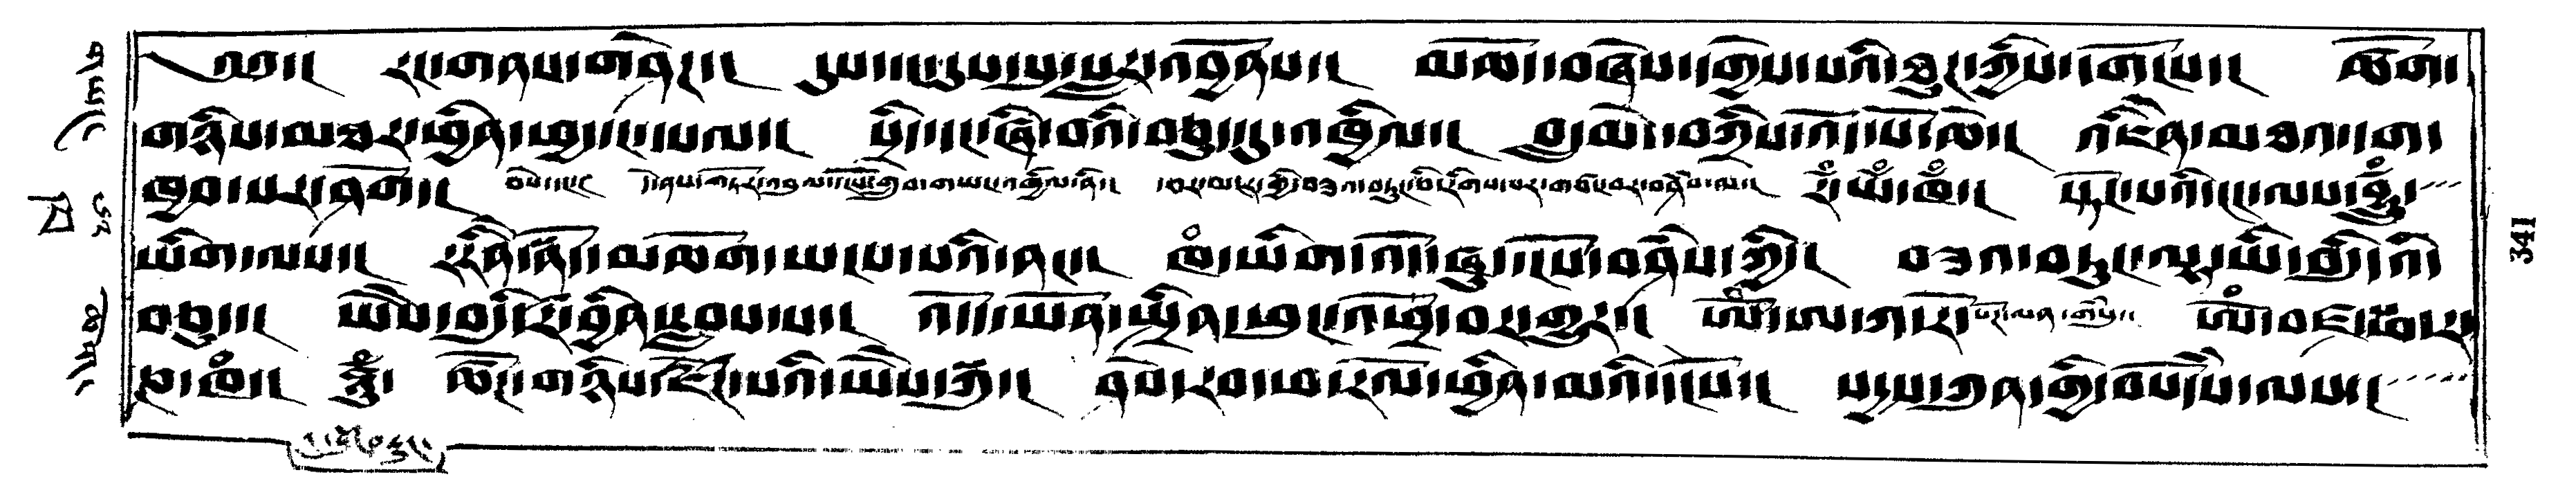རང་གནས་གཤེགས། །དུས་དང་དུས་སུ་སླར་འབྱོན་ནས། །མཆོད་བཞེས་དགྱེས་པའི་ཐུགས་ཀྱིས་དགོངས། ཚོགས་
གཉིས་མཐར་ཕྱིན་ཕྱྭ་དང་དཔལ། །སྲིད་དང་ཞི་བའི་བཅུད་དུ་འཁྱིལ། །བླ་མེད་བཀྲ་ཤིས་འོད་པོ་ཆེས། །འཇིག་རྟེན་མཐའ་དག་
ཁྱབ་པར་ཤོག ། ཅེས་དང་། དེ་ནས་གཏོར་འབུལ་དངོས་གྲུབ་གཡང་འཁྱིལ་ནི། དཀར་མངར་གྱི་བཟའ་བཏུང་ཅི་རིགས་པ་གཙང་བར་བཤམས་ལ། རྃ་ཡྃ་ཁྃ། སྟོང་པའི་ངང་ལས་བྷྲུྃ་
ཡིག་ལས། རིན་ཆེན་སྣོད་མཆོག་ཡངས་པའི་ནང་། ཁཾ་ཡིག་འོད་ཞུ་དངོས་བཤམས་ཀྱི། །བཟའ་བཏུང་ལྷ་ཡི་བདུད་རྩིའི་
བདུད། །ཡེ་ཤེས་བདུད་རྩིར་བྱིན་རླབས་པ། །འདོད་ཡོན་སྤྲིན་ཕུང་འཕྲོ་བར་གྱུར། །ཨོཾ་ཨ་ཀ་རོ་སོགས་ལན་གསུམ། ཨོཾ་བཛྲ་སྥ་ར་
ཎ་ཁཾ། ཧཱུྃ། ཚོགས་གཉིས་རྫོགས་པའི་ཡེ་ཤེས་སྐུ། །ཤེས་རབ་ཕ་རོལ་ཕྱིན་མ་དངོས། །སངས་རྒྱས་ཀུན་ཀྱི་བསོད་ནམས་ལས།